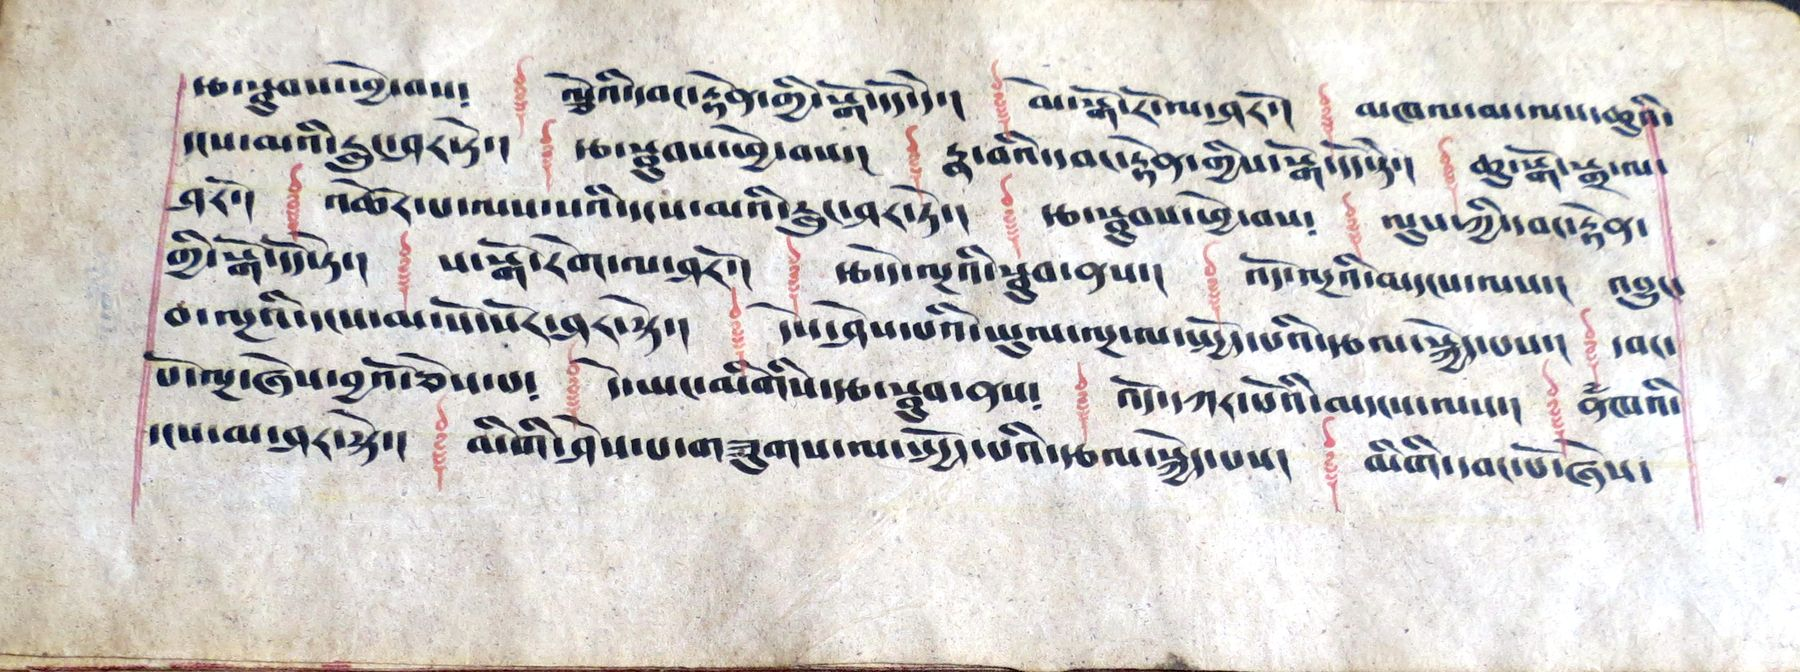རྩ་སྦུབས་ཕྱེས་པས། ལྕེའི་དབང་རྟེན་གྱི་སྒོ་དོད་དེ། མེ་སྒོ་རོ་ལ་ཤར་རོ། །མཁལ་མ་ལས་ཆུའི་
དྭངས་མའི་རླུང་ཤར་ཏེ། རྩ་སྦུབས་ཕྱེས་བས། རྣ་བའི་དབང་རྟེན་གྱི་སྒོ་དོད་དེ། ཆུ་སྒོ་སྒྲ་ལ་
ཤར་རོ། །མཚེར་པ་ལས་སའི་དྭངས་མའི་རླུང་ཤར་ཏེ། རྩ་སྦུབས་ཕྱེས་པས། ལུས་ཀྱི་དབང་རྟེན་
གྱི་སྒོ་དོད་དེ། ས་སྒོ་རེག་ལ་ཤར་རོ། །རྩ་དེ་ལྔའི་སྦུབས་ནས། འོད་ལྔའི་གདངས་ལས་འབྱུང་
བ་ལྔའི་དྭངས་མ་སོ་སོར་ཤར་ཏེ། དེས་ཤེས་པ་ཡུལ་ལྔ་ལ་གཅོད་པའི་རྩལ་བསྐྱེད་པས། དབང་
པོ་ལྔ་ཞེས་བྱ་བའོ། །ཞེས་པས། དེ་ཡང་མིག་གི་རྩ་སྦུབས་ནས། འོད་དཀར་པོའི་གདངས་ལས། ནམ་མཁའི་
དྭངས་མ་ཤར་ཏེ། མིག་གི་ཤེས་པ་གཟུགས་ལ་གཅོད་པའི་རྩལ་བསྐྱེད་པས། མིག་གི་དབང་པོ་ཞེས་